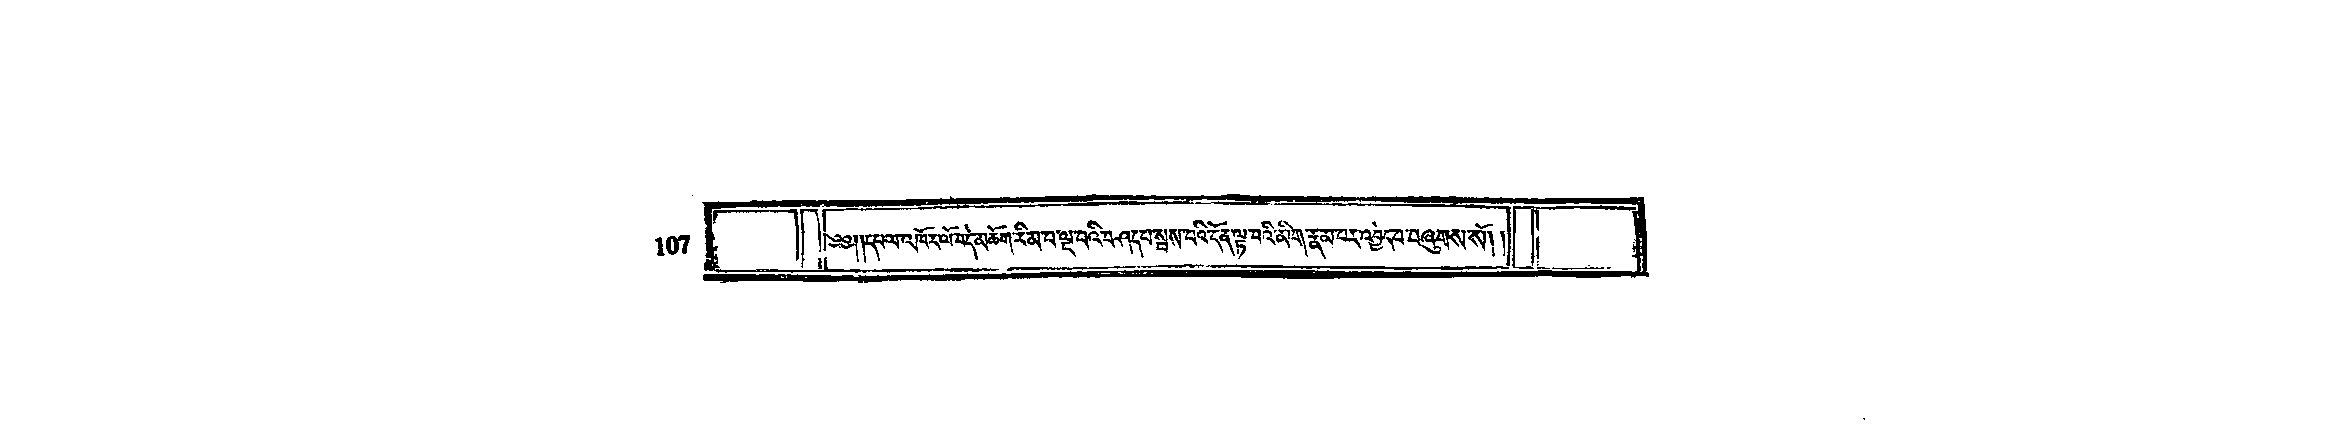༄༅། །དཔལ་འཁོར་ལོ་བདེ་མཆོག་རིམ་པ་ལྔ་པའི་བཤད་པ་སྦས་པའི་དོན་ལྟ་བའི་མིག་རྣམ་པར་འབྱེད་པ་བཞུགས་སོ། །